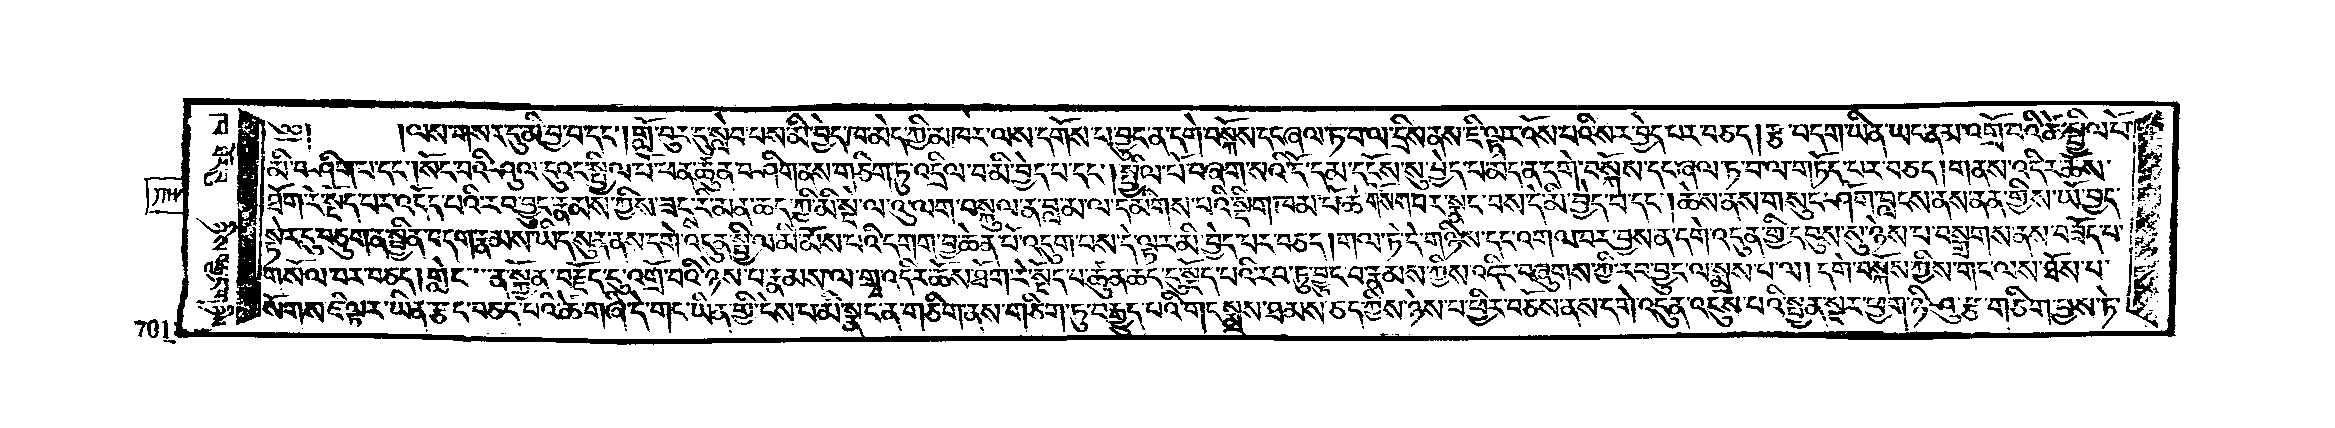༄༅། །ལས་གསར་དུ་མི་བྱ་བ་དང་། གློ་བུར་དུ་སླེབ་པས་མི་བྱེད་ཁ་མེད་ཀྱི་མཁར་ལས་དགོས་པ་བྱུང་ན་དགེ་བསྐོས་དང་ཞལ་ཏ་བ་ལ་དྲིས་ནས་ཇི་ལྟར་འོས་པའི་སར་བྱེད་པར་བཅད། རྩ་བདག་ཡིན་ཡང་ནམ་འགྲོ་བའི་ཚེ་སྤྱིལ་པོ་
མི་བཤིག་པ་དང་། སོང་བའི་ཤུལ་དུའང་སྤྱིལ་པོ་ཕན་ཚུན་བཤིག་ནས་གཅིག་ཏུ་འདྲིལ་བ་མི་བྱེད་པ་དང་། སྤྱིལ་པོ་བཞག་སའི་དོ་དམ་དངོས་སུ་བྱེད་པ་མེད་ན་དགེ་བསྐོས་དང་ཞལ་ཏ་བ་ལ་གཏོད་པར་བཅད། གནས་འདིར་ཆོས་
ཐེག་རེ་སྡོད་པར་འདོད་པའི་རབ་བྱུང་རྣམས་ཀྱིས་ཟངས་རི་མན་ཆད་ཀྱི་མི་སྡེ་ལ་འུ་ལག་བསྐུལ་ན་བླ་མ་ལ་དམིགས་པའི་སྡིག་ཁམ་པོ་ཆེ་གསོག་པར་སྣང་བས་དེ་མི་བྱེད་པ་དང་། ཆེས་ནས་གསུང་ཤོག་བླངས་ནས་ནན་གྱིས་ཡོ་བྱད་
སྟེར་དུ་བཅུག་ན་སྦྱིན་བདག་རྣམས་ཡིད་སུན་ནས་དགེ་འདུན་སྤྱི་ལ་མི་མོས་པའི་དགག་བྱ་ཆེན་པོ་འདུག་པས་དེ་ལྟར་མི་བྱེད་པར་བཅད། གལ་ཏེ་དེ་གཉིས་དང་འགལ་བར་བྱས་ན་དགེ་འདུན་གྱི་དབུས་སུ་ཉེས་པ་བསྒྲགས་ནས་བཟོད་པ་
གསོལ་བར་བཅད། གླེང་ན་སྐྱོན་བརྗོད་དུ་འགྲོ་བའི་ཉེས་པ་རྣམས་ལ་གྲྭ་འདིར་ཆོས་ཐོག་རེ་སྡོད་པ་ཚུན་ཆད་དུ་སྡོད་པའི་རབ་ཏུ་བྱུང་བ་རྣམས་ཀྱིས་འདིར་བཞུགས་ཀྱི་རབ་བྱུང་ལ་སྨྲས་པ་ལ། དགེ་བསྐོས་ཀྱིས་གང་ལས་ཐོས་པ་
སོགས་ཇི་ལྟར་ཡིན་རྩད་བཅད་པའི་ཚེ་གཞི་དེ་གང་ཡིན་གྱི་ངེས་པ་མི་སྣང་ན་གཅིག་ནས་གཅིག་ཏུ་བརྒྱུད་པའི་གང་སྨྲས་ཐམས་ཅད་ཀྱིས་ཉེས་པ་ཕྱིར་བཅོས་ནས་དགེ་འདུན་འདུས་པའི་སྤྱན་སྔར་ཕྱག་ཉི་ཤུ་རྩ་གཅིག་བྱས་ཏེ་